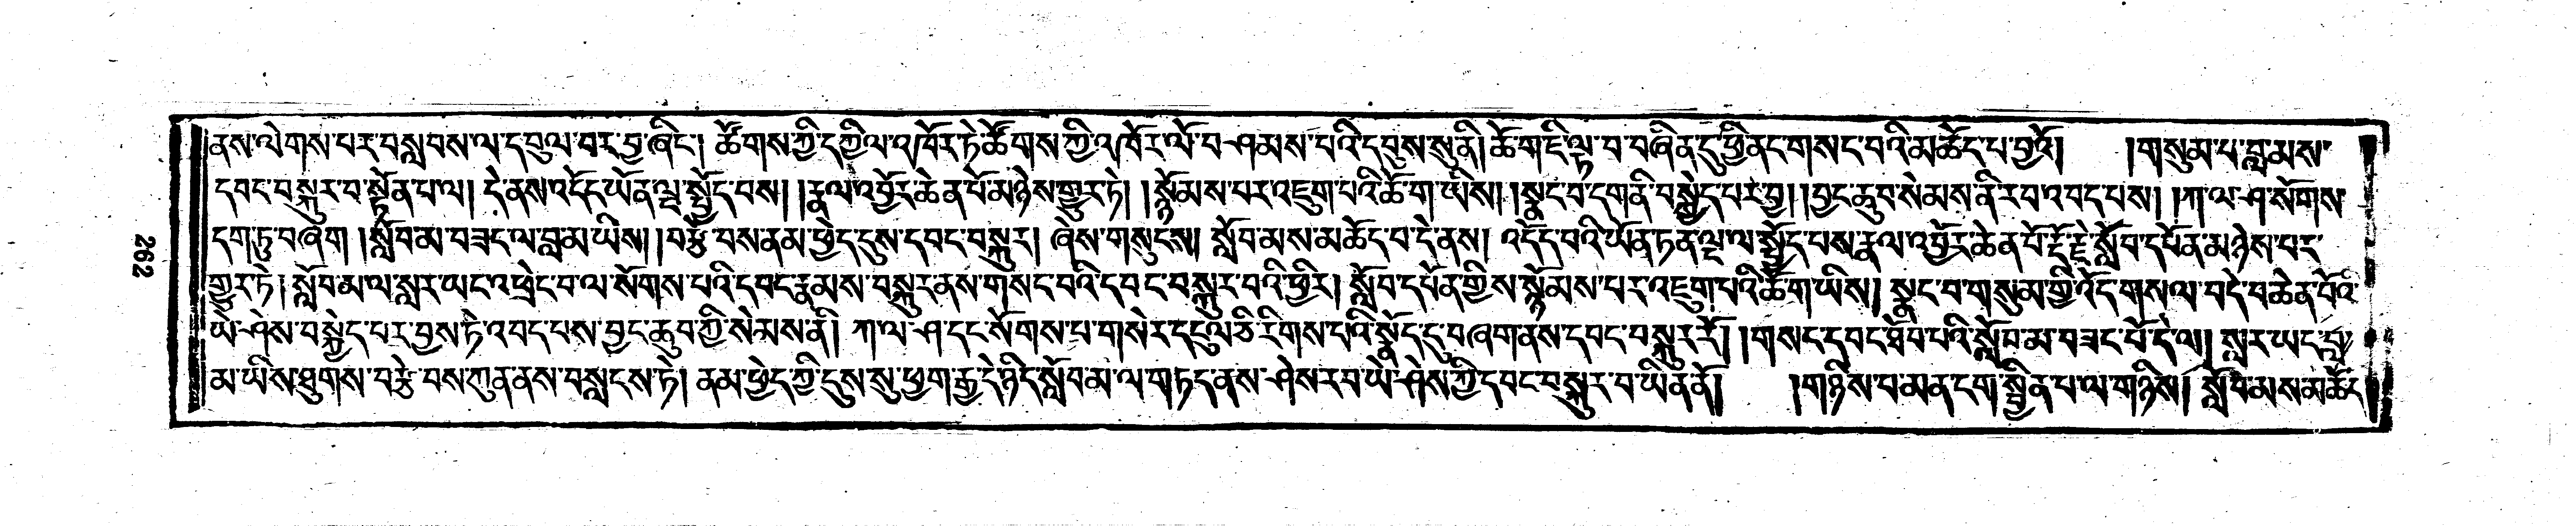ནས་ལེགས་པར་བསླབས་ལ་དབུལ་བར་བྱ་ཞིང་། ཚོགས་ཀྱི་དཀྱིལ་འཁོར་ཏེ་ཚོགས་ཀྱི་འཁོར་ལོ་བཤམས་པའི་དབུས་སུ་ནི། ཆོ་ག་ཇི་ལྟ་བ་བཞིན་དུ་ཕྱི་ནང་གསང་བའི་མཆོད་པ་བྱའོ། །གསུམ་པ་བླ་མས་
དབང་བསྐུར་བ་སྟོན་པ་ལ། དེ་ནས་འདོད་ཡོན་ལྔ་སྦྱོད་པས། །རྣལ་འབྱོར་ཆེན་པོ་མཉེས་གྱུར་ཏེ། །སྙོམས་པར་འཇུག་པའི་ཆོ་ག་ཡིས། །སྣང་བ་དག་ནི་བསྐྱེད་པར་བྱ། །བྱང་ཆུབ་སེམས་ནི་རབ་འབད་པས། །ཀ་ལ་ཤ་སོགས་
དག་ཏུ་བཞག །སློབ་མ་བཟང་ལ་བླ་མ་ཡིས། །བརྩེ་བས་ནམ་ཕྱེད་དུས་དབང་བསྐུར། ཞེས་གསུངས། སློབ་མས་མཆོད་པ་དེ་ནས། འདོད་པའི་ཡོན་ཏན་ལྔ་ལ་སྤྱོད་པས་རྣལ་འབྱོར་ཆེན་པོ་རྡོ་རྗེ་སློབ་དཔོན་མཉེས་པར་
གྱུར་ཏེ། སློབ་མ་ལ་སླར་ཡང་འཕྲེང་བ་ལ་སོགས་པའི་དབང་རྣམས་བསྐུར་ནས་གསང་བའི་དབང་བསྐུར་བའི་ཕྱིར། སློབ་དཔོན་གྱིས་སྙོམས་པར་འཇུག་པའི་ཆོ་ག་ཡིས། སྣང་བ་གསུམ་གྱི་འོད་གསལ་བདེ་བ་ཆེན་པོའི་
ཡེ་ཤེས་བསྐྱེད་པར་བྱས་ཏེ་འབད་པས་བྱང་ཆུབ་ཀྱི་སེམས་ནི། ཀ་ལ་ཤ་དང་སོགས་པ་གསེར་དངུལ་ཅི་རིགས་པའི་སྣོད་དུ་བཞག་ནས་དབང་བསྐུར་རོ། །གསང་དབང་ཐོབ་པའི་སློབ་མ་བཟང་པོ་དེ་ལ། སླར་ཡང་བླ་
མ་ཡིས་ཐུགས་བརྩེ་བས་ཀུན་ནས་བསླངས་ཏེ། ནམ་ཕྱེད་ཀྱི་དུས་སུ་ཕྱག་རྒྱ་དེ་ཉིད་སློབ་མ་ལ་གཏད་ནས་ཤེས་རབ་ཡེ་ཤེས་ཀྱི་དབང་བསྐུར་བ་ཡིན་ནོ། །གཉིས་པ་མན་ངག་སྦྱིན་པ་ལ་གཉིས། སློབ་མས་མཆོད་